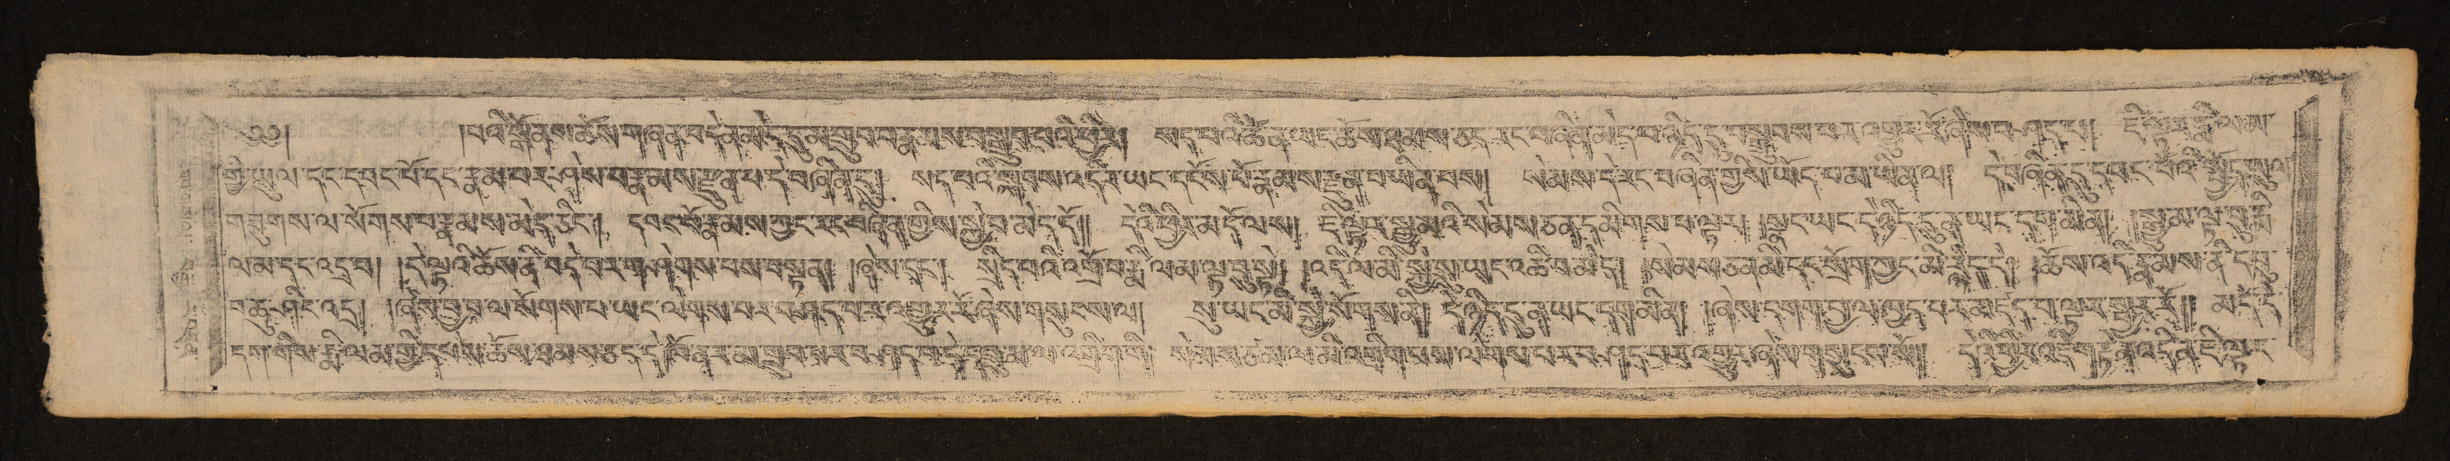༄༅། །པའི་སྒོ་ནས་ཆོས་གཞན་བདེན་མེད་དུ་མ་གྲུབ་པ་རྣམས་བསྒྲུབ་པའི་ཕྱིར། སད་པའི་ཚེ་ན་ཡང་ཆོས་ཐམས་ཅད་རང་བཞིན་མེད་པ་ཉིད་དུ་བསྒྲུབས་པར་འགྱུར་རོ་ཞེས་བཤད་པ། ཇི་ལྟར་རྨི་ལམ་
གྱི་ཡུལ་དང་དབང་པོ་དང་རྣམ་པར་ཤེས་པ་རྣམས་རྫུན་པ་དེ་བཞིན་དུ། སད་པའི་སྐབས་འདིར་ཡང་དངོས་པོ་རྣམས་རྫུན་པ་ཡིན་པས། སེམས་དེ་རང་བཞིན་གྱིས་ཡོད་པ་མ་ཡིན་ལ། དེ་བཞིན་དུ་དབང་པོའི་སྤྱོད་ཡུལ་
གཟུགས་ལ་སོགས་པ་རྣམས་མེད་ཅིང་། དབང་པོ་རྣམས་ཀྱང་རང་བཞིན་གྱིས་སྐྱེ་བ་མེད་དོ།། དེའི་ཕྱིར་མདོ་ལས། ཇི་ལྟར་སྒྱུ་མའི་སེམས་ཅན་དམིགས་པ་ལྟར། །སྣང་ཡང་དེ་ཉིད་དུ་ན་ཡང་དག་མིན། །སྒྱུ་མ་ལྟ་བུ་རྨི་
ལམ་དང་འདྲ་བ། །དེ་ལྟའི་ཆོས་ནི་བདེ་བར་གཤེགས་པས་བསྟན། །ཞེས་དང་། སྲིད་པའི་འགྲོ་བ་རྨི་ལམ་ལྟ་བུ་སྟེ། །འདི་ལ་མི་སྐྱེ་སུ་ཡང་འཆི་བ་མེད། །སེམས་ཅན་མི་དང་སྲོག་ཀྱང་མི་རྙེད་དེ། །ཆོས་འདི་རྣམས་ནི་དབུ་
བ་ཆུ་ཤིང་འདྲ། །ཞེས་བྱ་བ་ལ་སོགས་པ་ཡང་ལེགས་པར་བཤད་པར་འགྱུར་རོ་ཞེས་གསུངས་ལ། སུ་ཡང་མི་སྐྱེ་སོགས་ནི། དེ་ཉིད་དུ་ན་ཡང་དག་མིན། །ཞེས་དགག་བྱ་ལ་ཁྱད་པར་མཛད་པ་ལྟར་སྦྱར་རོ།། མདོ་དེ་
དག་གིས་རྨི་ལམ་གྱི་དཔེས་ཆོས་ཐམས་ཅད་དེ་ཁོ་ནར་མ་གྲུབ་པར་བཤད་པ་དེ་དབུ་མ་ལ་འགྲིག་གི། སེམས་ཙམ་ལ་མི་འགྲིག་པས་ལེགས་པར་བཤད་པར་འགྱུར་ཞེས་གསུངས་སོ།། དེའི་ཕྱིར་འཇིག་རྟེན་འདི་ན་ཇི་ལྟར་